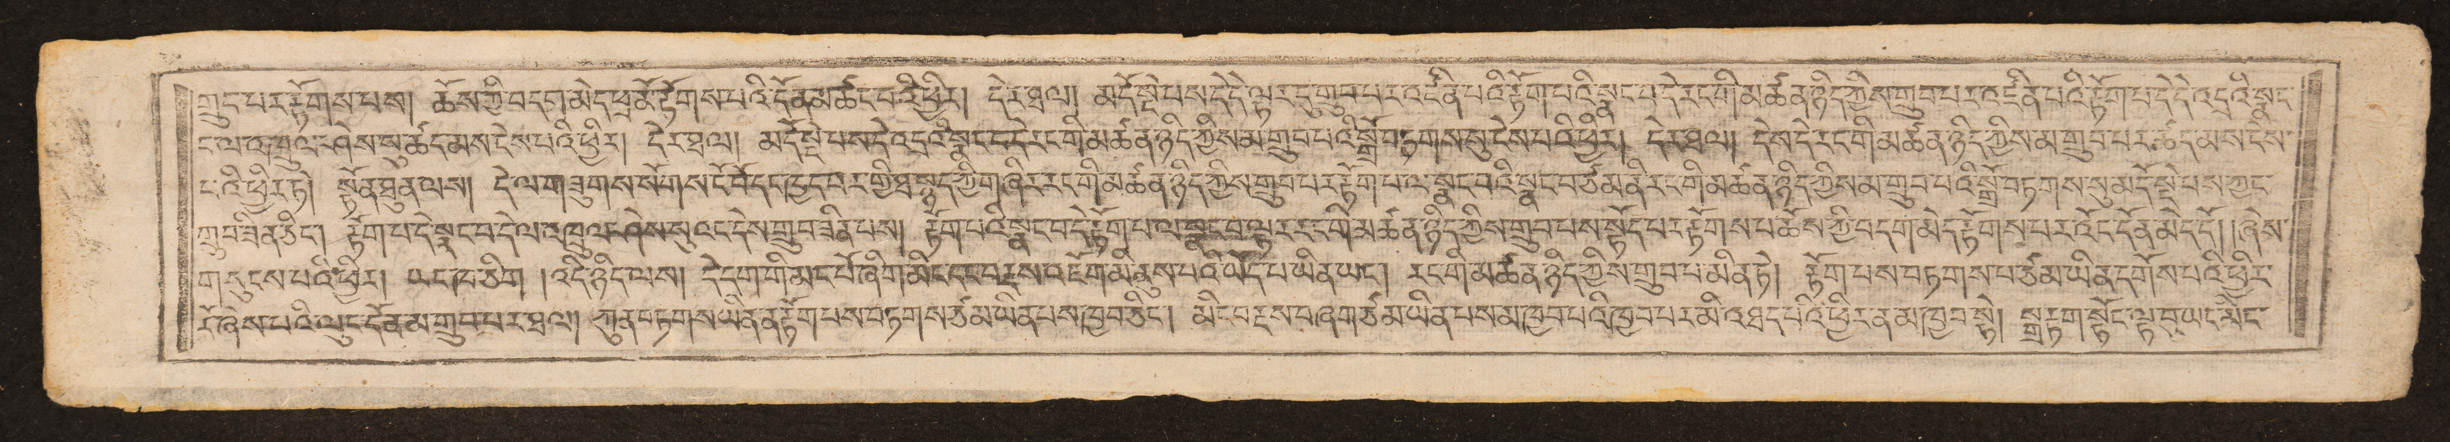གྲུབ་པར་རྟོགས་པས། ཆོས་ཀྱི་བདག་མེད་ཕྲ་མོ་རྟོགས་པའི་དོན་མ་ཚང་བའི་ཕྱིར། དེར་ཐལ། མདོ་སྡེ་པས་དེ་དེ་ལྟར་དུ་གྲུབ་པར་འཛིན་པའི་རྟོག་པའི་སྣང་བ་དེ་རང་གི་མཚན་ཉིད་ཀྱིས་གྲུབ་པར་འཛིན་པའི་རྟོག་པ་དེ་དེ་འདྲའི་སྣང་
བ་ལ་འཁྲུལ་ཤེས་སུ་ཚད་མས་ངེས་པའི་ཕྱིར། དེར་ཐལ། མདོ་སྡེ་པས་དེ་འདྲའི་སྣང་བ་དེ་རང་གི་མཚན་ཉིད་ཀྱིས་མ་གྲུབ་པའི་སྒྲོ་བཏགས་སུ་ངེས་པའི་ཕྱིར། དེར་ཐལ། དེས་དེ་རང་གི་མཚན་ཉིད་ཀྱིས་མ་གྲུབ་པར་ཚད་མས་ངེས་
པའི་ཕྱིར་ཏེ། སྟོན་ཐུན་ལས། དེ་ལ་གཟུགས་སོགས་ངོ་བོ་དང་ཁྱད་པར་གྱི་ཐ་སྙད་ཀྱི་གཞིར་རང་གི་མཚན་ཉིད་ཀྱིས་གྲུབ་པར་རྟོག་པ་ལ་སྣང་བའི་སྣང་བ་ཙམ་ནི་རང་གི་མཚན་ཉིད་ཀྱིས་མ་གྲུབ་པའི་སྒྲོ་བཏགས་སུ་མདོ་སྡེ་པས་ཀྱང་
གྲུབ་ཟིན་ཅིང་། རྟོག་པ་དེ་སྣང་བ་དེ་ལ་འཁྲུལ་ཤེས་སུའང་དེས་གྲུབ་ཟིན་པས། རྟོག་པའི་སྣང་བ་དེ་རྟོག་པ་ལ་སྣང་བ་ལྟར་རང་གི་མཚན་ཉིད་ཀྱིས་གྲུབ་པས་སྟོང་པར་རྟོགས་པ་ཆོས་ཀྱི་བདག་མེད་རྟོགས་པར་འོང་དོན་མེད་དོ། །ཞེས་
གསུངས་པའི་ཕྱིར། ཡང་ཁ་ཅིག །འདི་ཉིད་ལས། དེ་དག་གི་མང་པོ་ཞིག་མིང་དང་བརྡས་འཇོག་མི་ནུས་པའི་ཡོད་པ་ཡིན་ཡང་། རང་གི་མཚན་ཉིད་ཀྱིས་གྲུབ་པ་མིན་ཏེ། རྟོག་པས་བཏགས་པ་ཙམ་ཡིན་དགོས་པའི་ཕྱིར་
རོ་ཞེས་པའི་ལུང་དོན་མ་གྲུབ་པར་ཐལ། ཀུན་བཏགས་ཡིན་ན་རྟོག་པས་བཏགས་ཙམ་ཡིན་པས་ཁྱབ་ཅིང་། མིང་བརྡས་བཞག་ཙམ་ཡིན་པས་མ་ཁྱབ་པའི་ཁྱབ་པར་མི་འཐད་པའི་ཕྱིར་ན་མ་ཁྱབ་སྟེ། སྒྲ་རྟག་སྟོང་ལྟ་བུ་ཡང་མིང་